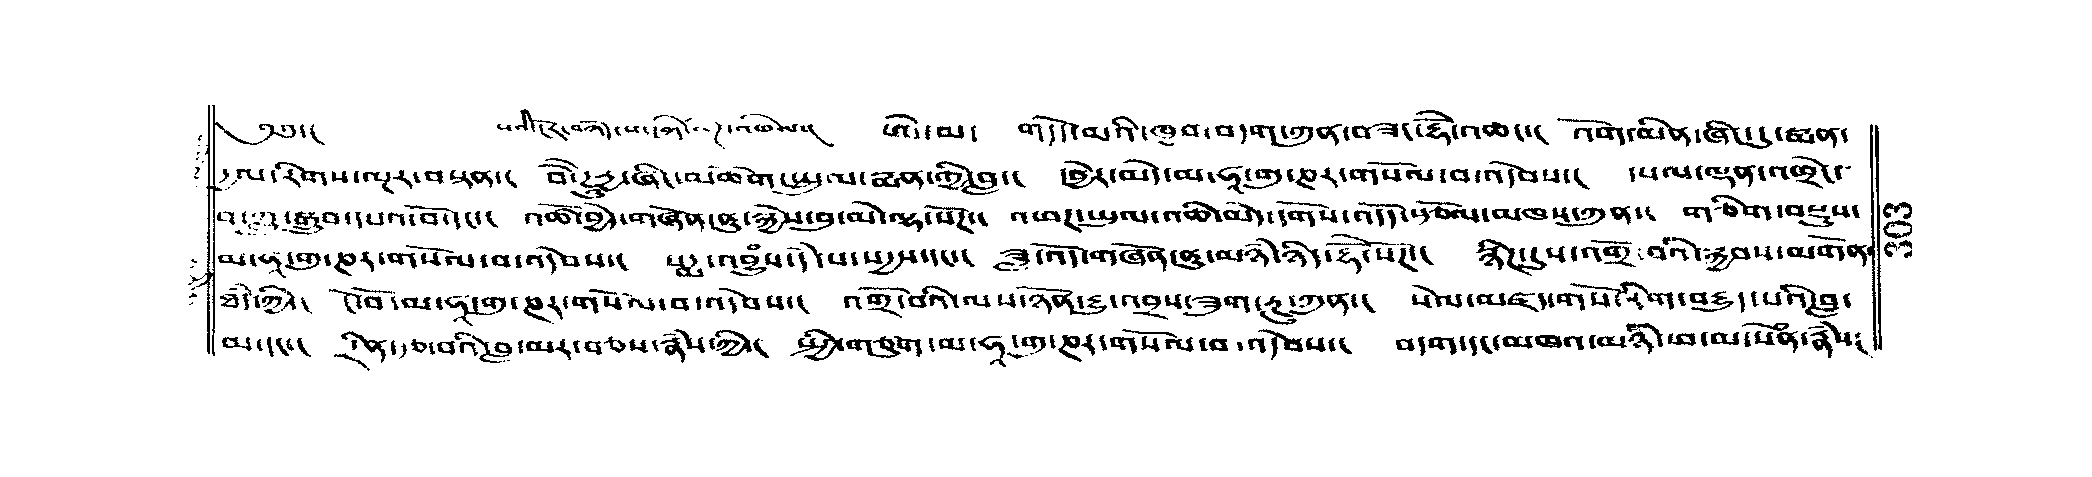པའི་ངོར་བཀོད་པ་དགེ་ལེགས་འཕེལ།། ཨེ་མ། གདོད་མའི་ཁྱབ་བདག་ཀུན་བཟང་རྡོ་རྗེ་འཆང་། །འོག་མིན་ཞིང་དུ་སྨན་
རྒྱལ་རིགས་ལྔར་བསྟན། །བཻ་ཌཱུརྻ་ཞིང་མཆོག་སྤྲུལ་སྨན་གྱི་བླ། །དབྱེར་མེད་མཧཱ་གུ་ཎར་གསོལ་བ་འདེབས། །དཔལ་ལྡན་འཕྲེང་
བ་ཀླུ་སྒྲུབ་དཔའ་བོ་དང་། །འཚོ་བྱེད་གཞོན་ནུ་སྐྱེས་བུ་མེ་ལྷ་སོགས། །འཕགས་ཡུལ་འཆི་མེད་དགོས་འདོད་སྩོལ་མཁས་ཀུན། །གཅིག་བསྡུས་
མ་ཧཱ་གུ་ཎར་གསོལ་བ་འདེབས། །པདྨ་འབྱུང་གནས་དམ་པ་སངས་རྒྱས་དང་། །ཟླ་འོད་གཞོན་ནུ་མཉམ་ཉིད་རྡོ་རྗེ་སོགས། །སྙིགས་དུས་འགྲོ་བའི་སྐྱབས་མགོན་
ཐམས་ཅད་ཀྱི། །ངོ་བོ་མ་ཧཱ་གུ་ཎར་གསོལ་བ་འདེབས། །འགྲོ་བའི་ལས་ཉོན་རྒྱུ་འབྲས་ཟུག་རྔུ་ཀུན། །སེལ་མཛད་གསོ་རིག་བརྒྱུད་པའི་བླ་
མ་དང་། །དྲིན་ཅན་རྩ་བའི་བླ་མར་བཅས་རྣམས་ཀྱི། །སྤྱི་གཙུག་མ་ཧཱ་གུ་ཎར་གསོལ་བ་འདེབས། །བདག་དང་མཁའ་མཉམ་ཕ་མ་སེམས་ཅན་རྣམས།